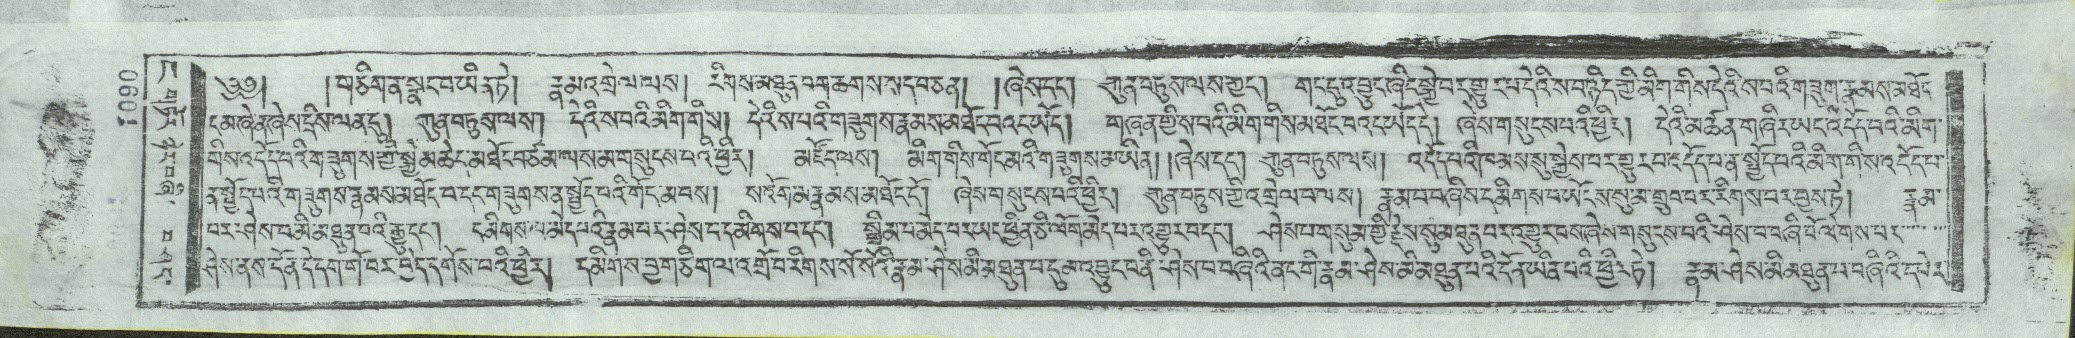༄༅། །གཅིག་ན་སྣང་བ་ཡིན་ཏེ། རྣམ་འགྲེལ་ལས། རིགས་མཐུན་བག་ཆགས་སད་བ་ཅན། །ཞེས་དང་། ཀུན་བཏུས་ལས་ཀྱང་། གང་དུ་འབྱུང་ཞིང་སྐྱེ་བར་གྱུར་པ་དེའི་ས་བ་ཉིད་ཀྱི་མིག་གིས་དེའི་ས་བའི་གཟུག་རྣམས་མཐོང་
དམ་ཞེན་ཞེས་དྲིས་ལན་དུ། ཀུན་བཏུས་ལས། དེའི་ས་པའི་མིག་གིས། དེའི་ས་པའི་གཟུགས་རྣམས་མཐོང་བའང་ཡོད། གཞན་གྱིས་པའི་མིག་གིས་མཐོང་བའང་ཡོད་དེ། ཞེས་གསུངས་པའི་ཕྱིར། དེའི་མཚན་གཞིར་ཡང་འདོད་བའི་མིག་
གིས་འདོད་བའི་གཟུགས་ཀྱི་སྐྱེ་མཆེད་མཐོང་བ་ཙམ་ལས་མ་གསུངས་པའི་ཕྱིར། མཛོད་ལས། མིག་གིས་གོང་མའི་གཟུགས་མ་ཡིན། །ཞེས་དང་། ཀུན་བཏུས་ལས། འདོད་བའི་ཁམས་སུ་སྐྱེས་པར་གྱུར་བ་འདོད་པ་ན་སྤྱོད་བའི་མིག་གིས་འདོད་པ་
ན་སྤྱོད་པའི་གཟུགས་རྣམས་མཐོང་བ་དང་གཟུགས་ན་སྤྱོད་པའི་གོང་མ་བས། ས་འོག་མ་རྣམས་མཐོང་ངོ། ཞེས་གསུངས་པའི་ཕྱིར། ཀུན་བཏུས་ཀྱི་འགྲེལ་བ་ལས། རྣམ་པ་བཞིས་དམིགས་པ་ཡོངས་སུ་མ་གྲུབ་བར་རིགས་པར་བྱས་ཏེ། རྣམ་
པར་ཤེས་པ་མི་མཐུན་པའི་རྒྱུ་དང་། དམིགས་པ་མེད་པའི་རྣམ་པར་ཤེས་པ་དམིགས་པ་དང་། སྒྲིམ་པ་མེད་པར་ཡང་ཕྱིན་ཅི་ལོག་མེད་པར་འགྱུར་བ་དང་། ཤེས་པ་གསུམ་གྱི་རྗེས་སུ་མཐུན་པར་འགྱུར་བས་ཞེས་གསུངས་པའི་ཤེས་བ་བཞི་པོ་ལེགས་པར་
ཤེས་ནས་དོན་དེ་དག་གོ་བར་བྱེད་དགོས་པའི་ཕྱིར། དམིགས་བྱ་གཅིག་ལ་འགྲོ་བ་རིགས་སོ་སོའི་རྣམ་ཤེས་མི་མཐུན་བ་དུ་མ་འབྱུང་བ་ནི་ཤེས་པ་བཞིའི་ནང་གི་རྣམ་ཤེས་མི་མཐུན་པའི་དོན་ཡིན་པའི་ཕྱིར་ཏེ། རྣམ་ཤེས་མི་མཐུན་པ་བཞིའི་དཔེར་